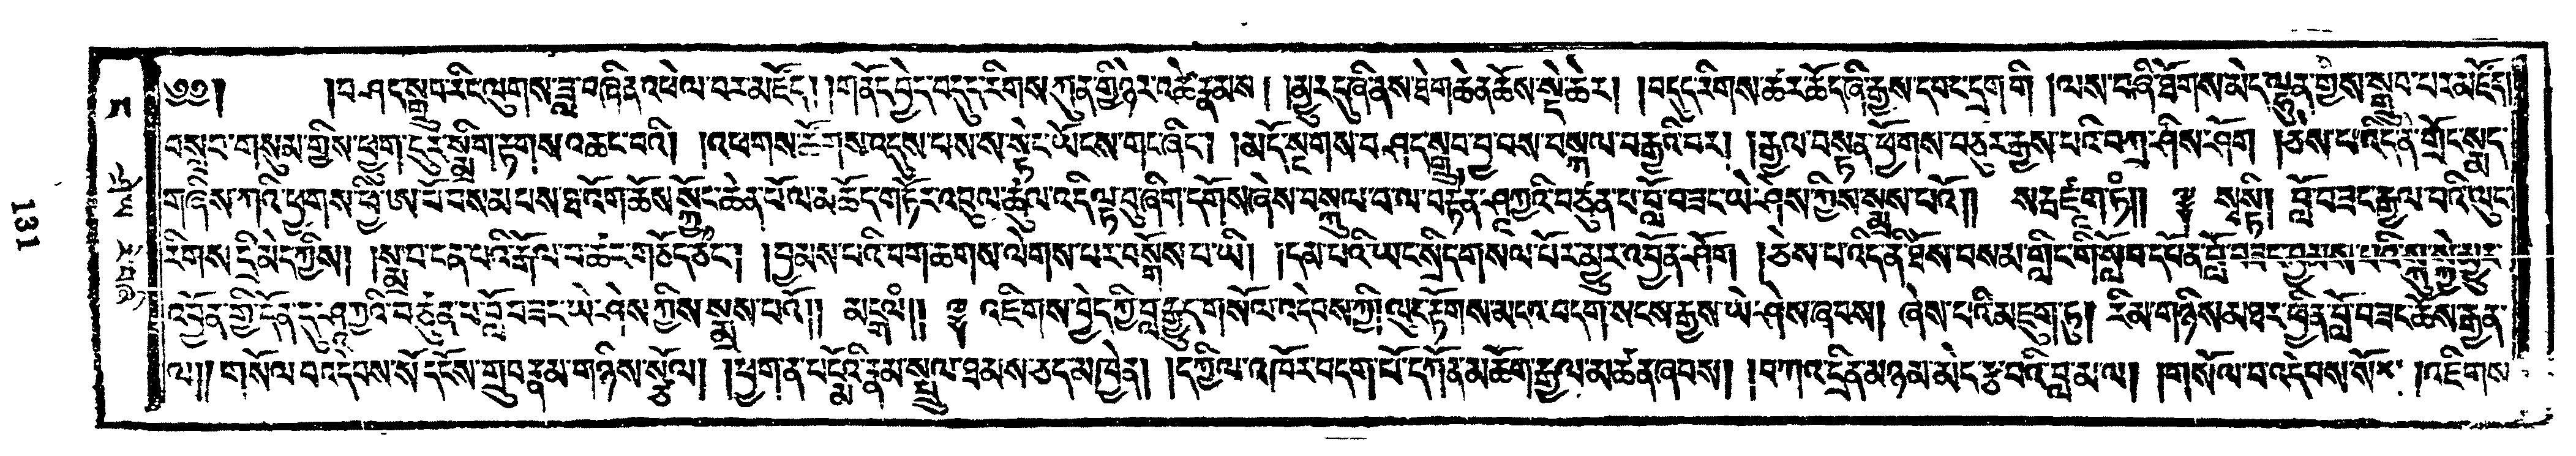༄༅། །བཤད་སྒྲུབ་རིང་ལུགས་ཟླ་བཞིན་འཕེལ་བར་མཛོད། །གནོད་བྱེད་བདུད་རིགས་ཀུན་གྱི་ཉེར་འཚེ་རྣམས། །མྱུར་དུ་ཞི་ནས་ཐེག་ཆེན་ཆོས་སྡེ་ཆེར། །བདུད་རིགས་ཚར་ཆོད་ཞི་རྒྱས་དབང་དྲག་གི །ལས་བཞི་ཐོགས་མེད་ལྷུན་གྱིས་སྒྲུབ་པར་མཛོད།
བསླབ་གསུམ་གྱིས་ཕྱུག་དུར་སྨྲིག་རྟགས་འཆང་བའི། །འཕགས་ཚོགས་འདུས་པས་ས་སྟེང་ཡོངས་གང་ཞིང་། །མདོ་སྔགས་བཤད་སྒྲུབ་བྱ་བས་བསྐལ་བརྒྱའི་བར། །རྒྱལ་བསྟན་ཕྱོགས་བཅུར་རྒྱས་པའི་བཀྲ་ཤིས་ཤོག །ཅེས་པ་འདི་ནི་གྲོང་སྨད་
གཞིས་ཀའི་ཕྱག་ཕྱི་ཨ་བོ་བསམ་པས་ཐ་འོག་ཆོས་སྐྱོང་ཆེན་པོ་ལ་མཆོད་གཏོར་འབུལ་ཚུལ་འདི་ལྟ་བུ་ཞིག་དགོས་ཞེས་བསྐུལ་བ་ལ་བརྟེན་ཤཱཀྱའི་བཙུན་པ་བློ་བཟང་ཡེ་ཤེས་ཀྱིས་སྨྲས་པའོ།། སརྦ་ཛཱ་ག་ཏཾ།། ༈ སྭསྟི། བློ་བཟང་རྒྱལ་བའི་ལུང་
རིགས་དྲི་མེད་ཀྱིས། །སྨྲ་བ་ངན་པའི་རྒོལ་བ་ཚར་གཅོད་ཅིང་། །བྱམས་པའི་བག་ཆགས་ལེགས་པར་བསྒོས་པ་ཡི། །དམ་པའི་ཡང་སྲིད་གསལ་པོར་མྱུར་འབྱོན་ཤོག །ཅེས་པ་འདི་ནི་ཐོས་བསམ་གླིང་གི་སློབ་དཔོན་བློ་བཟང་བྱམས་པའི་སྐུ་སྐྱེ་མྱུར་
འབྱོན་གྱི་དོན་དུ་ཤཱཀྱའི་བཙུན་པ་བློ་བཟང་ཡེ་ཤེས་ཀྱིས་སྨྲས་པའོ།། མངྒལཾ།། ༈ འཇིགས་བྱེད་ཀྱི་བླ་རྒྱུད་གསོལ་འདེབས་ཀྱི། ལུང་རྟོགས་མངའ་བདག་སངས་རྒྱས་ཡེ་ཤེས་ཞབས། ཞེས་པའི་མཇུག་ཏུ། རིམ་གཉིས་མཐར་ཕྱིན་བློ་བཟང་ཆོས་རྒྱན་
ལ། །གསོལ་བ་འདེབས་སོ་དངོས་གྲུབ་རྣམ་གཉིས་སྩོལ། །ཕྱག་ན་པདམོའི་རྣམ་སྤྲུལ་ཐམས་ཅད་མཁྱེན། །དཀྱིལ་འཁོར་བདག་པོ་དཀོན་མཆོག་རྒྱལ་མཚན་ཞབས། །བཀའ་དྲིན་མཉམ་མེད་རྩ་བའི་བླ་མ་ལ། །གསོལ་བ་འདེབས་སོ་྾། །འཇིགས་